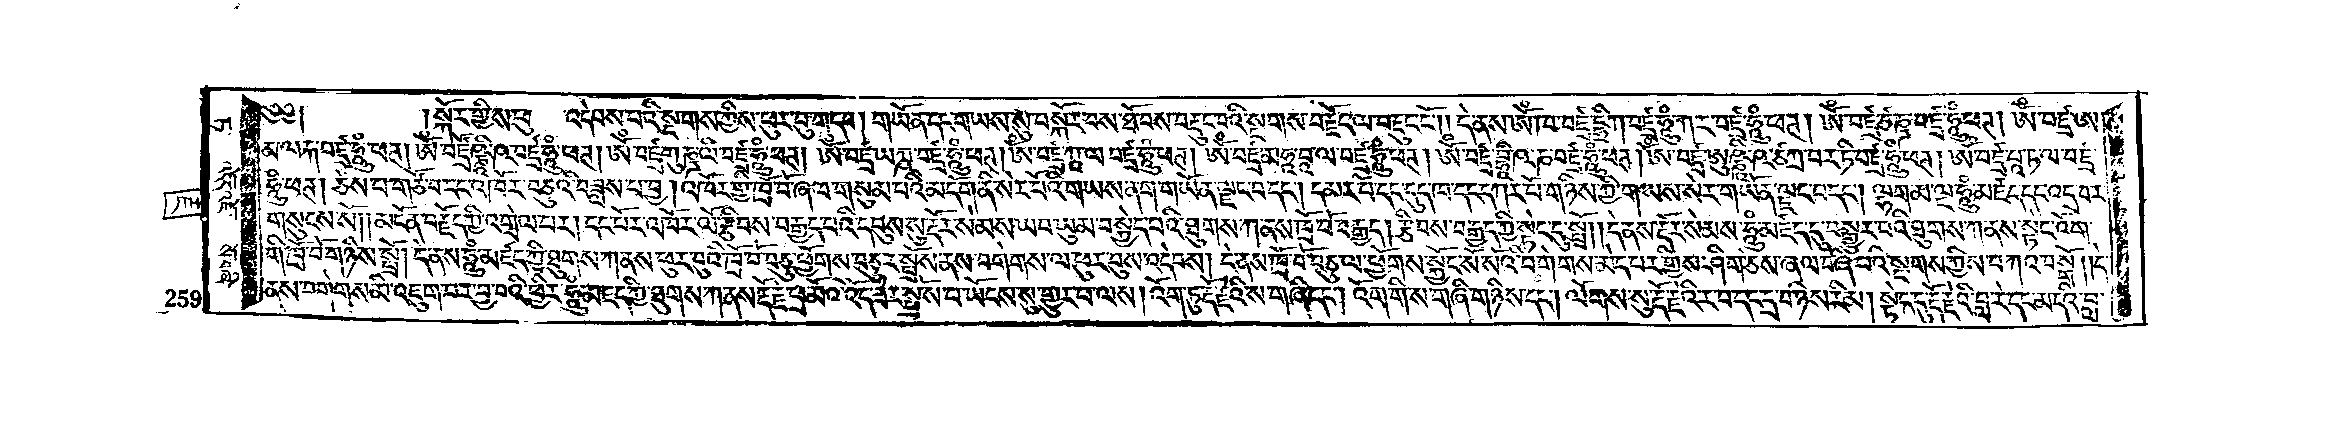༄༅། །སྐོར་གྱིས་ཕུར་བུ་འདེབས་པའི་སྔགས་ཀྱིས་ཕུར་བུ་གདབ། གཡོན་དང་གཡས་སུ་བསྐོར་བས་ཐོ་བས་བརྡུང་ངོ། །དེ་ནས་ཨོཾ་ཁ་བཛྲེ་དྷྲིཀ་བཛྲ་ཧཱུཾ་ཀ་ར་བཛྲ་ཧཱུཾ་ཕཊ། ཨོཾ་བཛྲ་ཙཎྜ་བཛྲ་ཧཱུཾ་ཕཊ། ཨོཾ་བཛྲ་ཨ་
ན་ལཱ་རྐ་བཛྲ་ཧཱུཾ་ཕཊ། ཨོཾ་བཛྲེཥྞཱི་ཥ་བཛྲ་ཧཱུཾ་ཕཊ། ཨོཾ་བཛྲ་ཀུཎྜ་ལི་བཛྲ་ཧཱུཾ་ཕཊ། ཨོཾ་བཛྲ་ཡཀྵ་བཛྲ་ཧཱུཾ་ཕཊ། ཨོཾ་བཛྲ་ཀཱ་ལ་བཛྲ་ཧཱུཾ་ཕཊ། ཨོཾ་བཛྲ་མཧཱ་བཱ་ལ་བཛྲ་ཧཱུཾ་ཕཊ། ཨོཾ་བཛྲ་བྷཱི་ཥ་ཎ་བཛྲ་ཧཱུཾ་ཕཊ། ཨོཾ་བཛྲ་ཨུཥྞཱི་ཥ་ཙཀྲ་བར་ཏི་བཛྲ་ཧཱུཾ་ཕཊ། ཨོཾ་བཛྲ་པཱ་ཏ་ལ་བཛྲ་
ཧཱུཾ་ཕཊ། ཅེས་པ་གཙོ་བོ་དང་འཁོར་བཅུའི་བཟླས་པ་བྱ། འཁོར་གྱི་ཁྲོ་བོ་ཞལ་གསུམ་པའི་མདོག་ནི་སེར་པོའི་གཡས་ནག་གཡོན་ལྗང་བ་དང་། དམར་པོ་དང་དུད་ཁ་དང་དཀར་པོ་གཉིས་ཀྱི་གཡས་སེར་གཡོན་ལྗང་བ་དང་། ལྷག་མ་ལྔ་ཧཱུཾ་མཛད་དང་འདྲ་བར་
གསུངས་སོ། །མངོན་བརྗོད་ཀྱི་འགྲེལ་པར། དང་པོར་འཁོར་ལོ་རྩིབས་བརྒྱད་པའི་དབུས་སུ་རྡོར་སེམས་ཡབ་ཡུམ་བསྐྱེད་པའི་ཐུགས་ཀ་ནས་ཁྲོ་བོ་བརྒྱད། རྩིབས་བརྒྱད་ཀྱི་སྟེང་དུ་སྤྲོ། དེ་ནས་རྡོར་སེམས་ཧཱུཾ་མཛད་དུ་བསྒྱུར་བའི་ཐུགས་ཀ་ནས་སྟེང་འོག་
གི་ཁྲོ་བོ་གཉིས་སྤྲོ། དེ་ནས་ཧཱུཾ་མཛད་ཀྱི་ཐུགས་ཀ་ནས་ཕུར་བུའི་ཁྲོ་བོ་བཅུ་ཕྱོགས་བཅུར་སྤྲོས་ནས་བགེགས་ལ་ཕུར་བུས་འདེབས། དེ་ནས་ཁྲོ་བོ་བཅུ་ལ་ཕྱོགས་སྐྱོང་སོ་སོའི་བགེགས་མེད་པར་གྱིས་ཤིག་ཅེས་ལ་བཞི་པའི་སྔགས་ཀྱིས་བཀའ་བསྒོ། །དེ་
ནས་བགེགས་མེ་འཇུག་པར་བྱ་བའི་ཕྱིར་ཧཱུཾ་མཇད་ཀྱི་ཐུགས་ཀ་ནས་རྡོ་རྗེ་ཕྲ་མོའི་འོད་ཟེར་སྤྲོས་པ་ཡོངས་སུ་གྱུར་པ་ལས། འོག་ཏུ་རྡོ་རྗེ་ས་གཞི་དང་། འོག་གི་ས་གཞི་གཉིས་དང་། ལོགས་སུ་རྡོ་རྗེའི་ར་བ་དང་དྲ་བ་ཉིས་རིམ། སྟེང་དུ་རྡོ་རྗེའི་བླ་རེ་དང་མདའི་བླ་